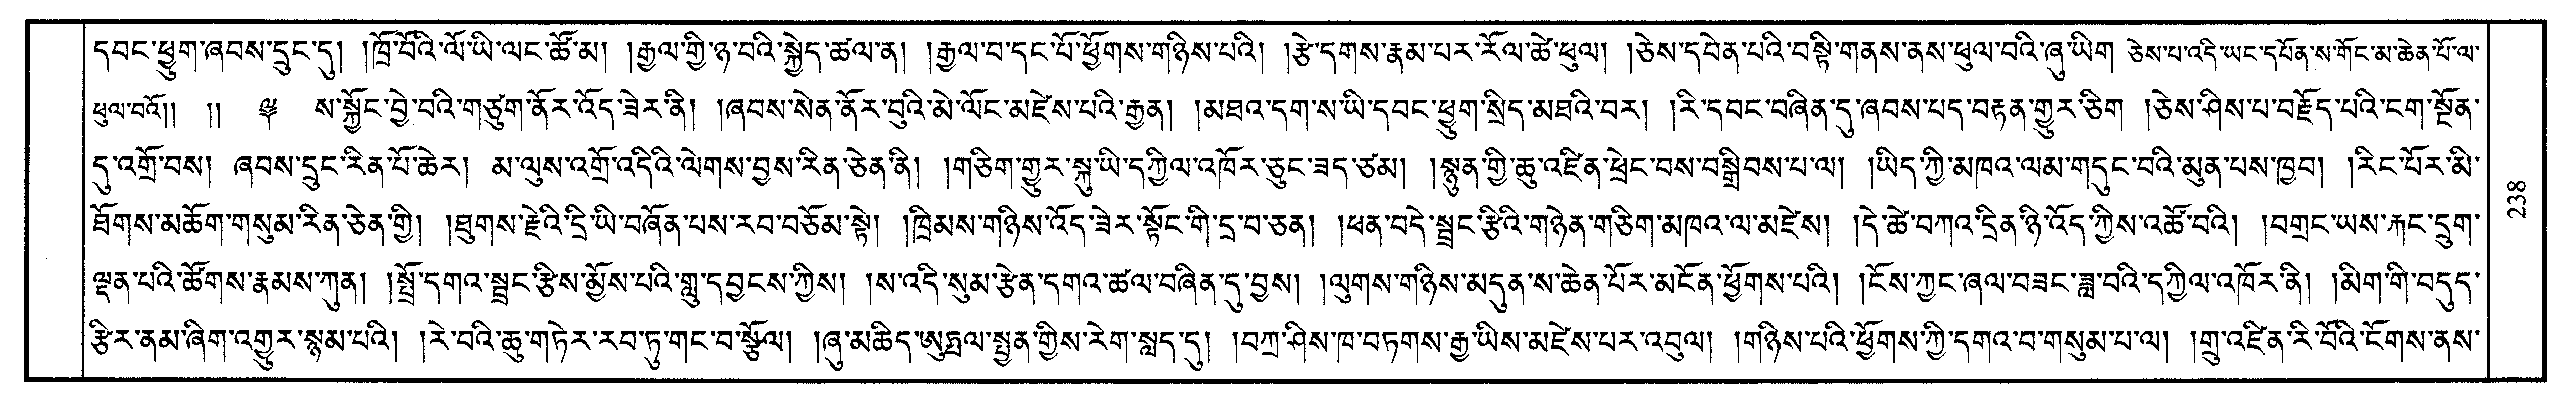དབང་ཕྱུག་ཞབས་དྲུང་དུ། །ཁྲོ་བོའི་ལོ་ཡི་ལང་ཚོ་མ། །རྒྱལ་གྱི་ཉ་བའི་སྐྱེད་ཚལ་ན། །རྒྱལ་བ་དང་པོ་ཕྱོགས་གཉིས་པའི། །རྩེ་དགས་རྣམ་པར་རོལ་ཚེ་ཕུལ། །ཅེས་དབེན་པའི་བསྟི་གནས་ནས་ཕུལ་བའི་ཞུ་ཡིག་ཅེས་པ་འདི་ཡང་དཔོན་ས་གོང་མ་ཆེན་པོ་ལ་
ཕུལ་བའོ།། །། ༈ ས་སྐྱོང་བྱེ་བའི་གཙུག་ནོར་འོད་ཟེར་ནི། །ཞབས་སེན་ནོར་བུའི་མེ་ལོང་མཛེས་པའི་རྒྱན། །མཐའ་དག་ས་ཡི་དབང་ཕྱུག་སྲིད་མཐའི་བར། །རི་དབང་བཞིན་དུ་ཞབས་པད་བརྟན་གྱུར་ཅིག །ཅེས་ཤིས་པ་བརྗོད་པའི་ངག་སྔོན་
དུ་འགྲོ་བས། ཞབས་དྲུང་རིན་པོ་ཆེར། མ་ལུས་འགྲོ་འདིའི་ལེགས་བྱས་རིན་ཅེན་ནི། །གཅིག་གྱུར་སྐུ་ཡི་དཀྱིལ་འཁོར་ཅུང་ཟད་ཙམ། །སྙུན་གྱི་ཆུ་འཛིན་ཕྲེང་བས་བསྒྲིབས་པ་ལ། །ཡིད་ཀྱི་མཁའ་ལམ་གདུང་བའི་མུན་པས་ཁྱབ། །རིང་པོར་མི་
ཐོགས་མཆོག་གསུམ་རིན་ཅེན་གྱི། །ཐུགས་རྗེའི་དྲི་ཡི་བཞོན་པས་རབ་བཅོམ་སྟེ། །ཁྲིམས་གཉིས་འོད་ཟེར་སྟོང་གི་དྲ་བ་ཅན། །ཕན་བདེ་སྦྲང་རྩིའི་གཉེན་གཅིག་མཁའ་ལ་མཛེས། །དེ་ཚེ་བཀའ་དྲིན་ཉི་འོད་ཀྱིས་འཚོ་བའི། །བགྲང་ཡས་རྐང་དྲུག་
ལྡན་པའི་ཚོགས་རྣམས་ཀུན། །སྤྲོ་དགའ་སྦྲང་རྩིས་མྱོས་པའི་གླུ་དབྱངས་ཀྱིས། །ས་འདི་སུམ་རྩེན་དགའ་ཚལ་བཞིན་དུ་བྱས། །ལུགས་གཉིས་མདུན་ས་ཆེན་པོར་མངོན་ཕྱོགས་པའི། །ངོས་ཀྱང་ཞལ་བཟང་ཟླ་བའི་དཀྱིལ་འཁོར་ནི། །མིག་གི་བདུད་
རྩིར་ནམ་ཞིག་འགྱུར་སྙམ་པའི། །རེ་བའི་ཆུ་གཏེར་རབ་ཏུ་གང་བ་སྩོལ། །ཞུ་མཆིད་ཨུཏྤལ་སྤྱན་གྱིས་རེག་སླད་དུ། །བཀྲ་ཤིས་ཁ་བཏགས་རྒྱ་ཡིས་མཛེས་པར་འབུལ། །གཉིས་པའི་ཕྱོགས་ཀྱི་དགའ་བ་གསུམ་པ་ལ། །གྲུ་འཛིན་རི་བོའི་ངོགས་ནས་